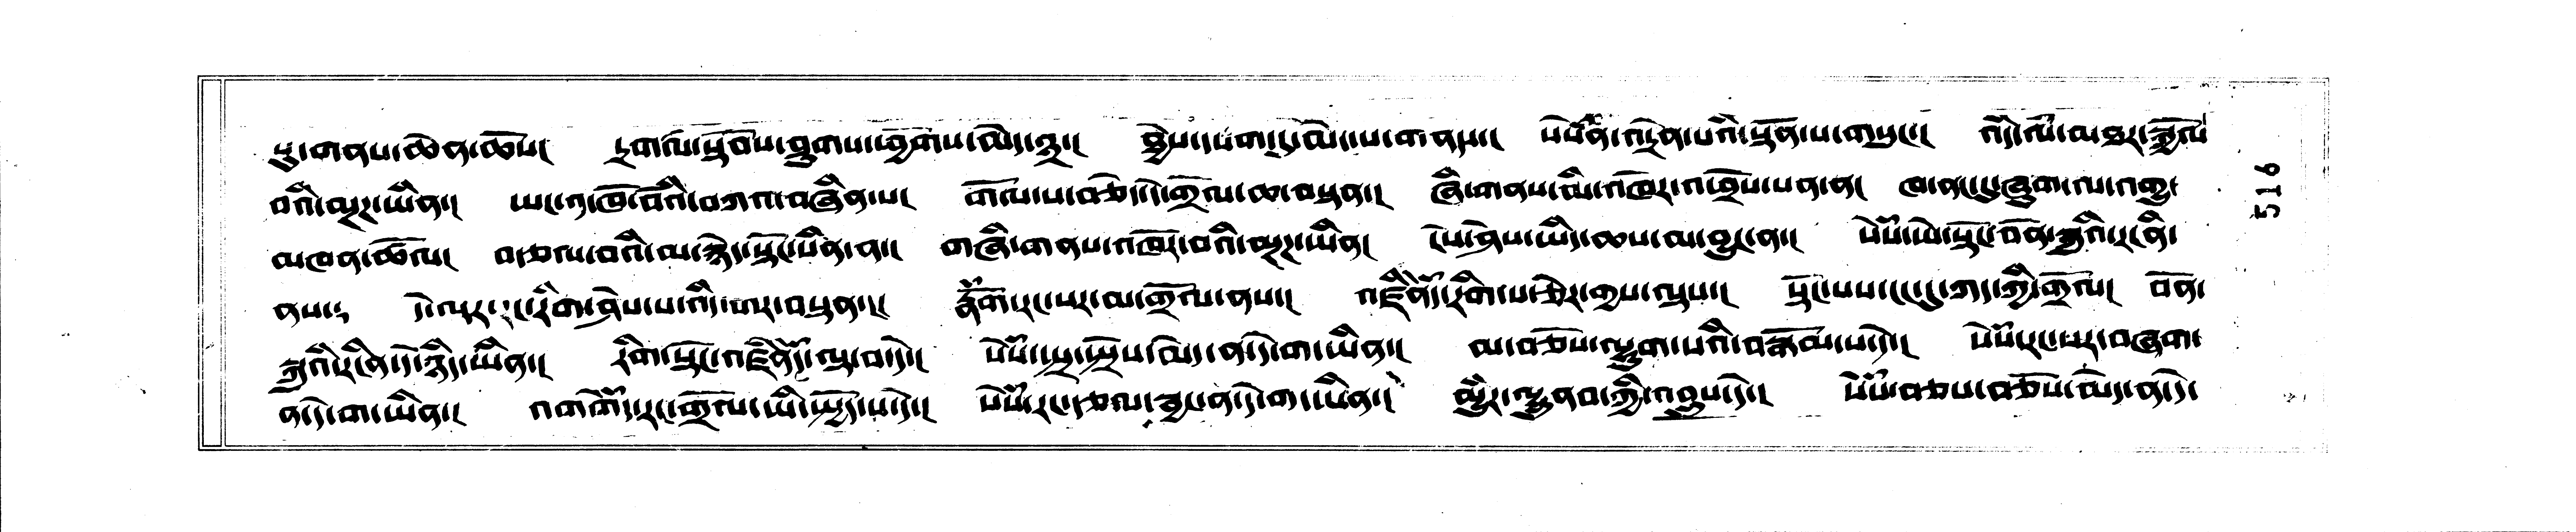སུ་གནས་ཆེན་ཆོས། དྲག་རྩལ་སྟོབས་ཤུགས་ཕྱོགས་མེད་གསུམ། ཐུགས་རྗེས་དཔག་དུ་མེད་པའི་གནད། སེམས་ཅན་འདྲེན་པའི་སྟོན་པས་གསུངས། འདི་ལ་མཐར་སྐྱོལ་
བའི་མེན་ངག་ཡིན། ཡང་ཅིགཁོ་‘‘བོའི”་བཀའ་བཞིན་ནས། གོལ་ས་བཅད་སྟེ་གྲོལ་ཆ་བསྟན། གཞི་གནས་མི་འཁོར་འཕྲོ་བ་ན། ཁ་ནང་དུ་ཁུག་ལ་འགྱུ་
མཁན་ཚོལ། བཙལ་བས་མ་རྙེད་སྟོང་སིན་ནས། གཞི་གནས་འཁོར་བའི་མེན་ངག་ཡིན། ངོ་ཤེས་ཡིད་ཆེས་མ་བྱུང་ན། སེམས་ཡེ་སྟོང་ཀུན་བཟང་གི་རང་བཞིན་ནི། 
ད་ལྟ་རང་རིག་ཤེས་པ་འདི་ཁར་བསྟན། སྣ་ཚོགས་རང་སར་མ་གྲོལ་ན། འཛིན་མེད་རིག་པ་ཅེར་གྱིས་ལྟོས། སྟོང་པའི་ངང་དུ་ཀད་ཀྱི་གྲོལ། བོན་
སྐུ་རང་བཞིན་དེ་ཉིད་ཡིན། རིག་སྟོང་འཛིན་མེད་ལྟ་བ་དེ། སེམས་སྤྲ་སྤྲོ་མེད་ན་དེ་ཀ་ཡིན། མ་བཅོས་ལྷུག་པར་སྒོམ་པ་དེ། སེམས་རང་སར་བཞག་
ན་དེ་ཀ་ཡིན། གྷག་(འགག)་མེད་རང་གྲོལ་སྤྱོད་པ་དེ། སེམས་རང་རྩལ་སྦྱང་ན་དེ་ཀ་ཡིན། མི་གྱུར་ལྷུན་གྲུབ་གྱི་༼ཀྱི༽འབྲས་བུ་དེ། སེམས་བཅས་བཅོས་མེད་ན་དེ་